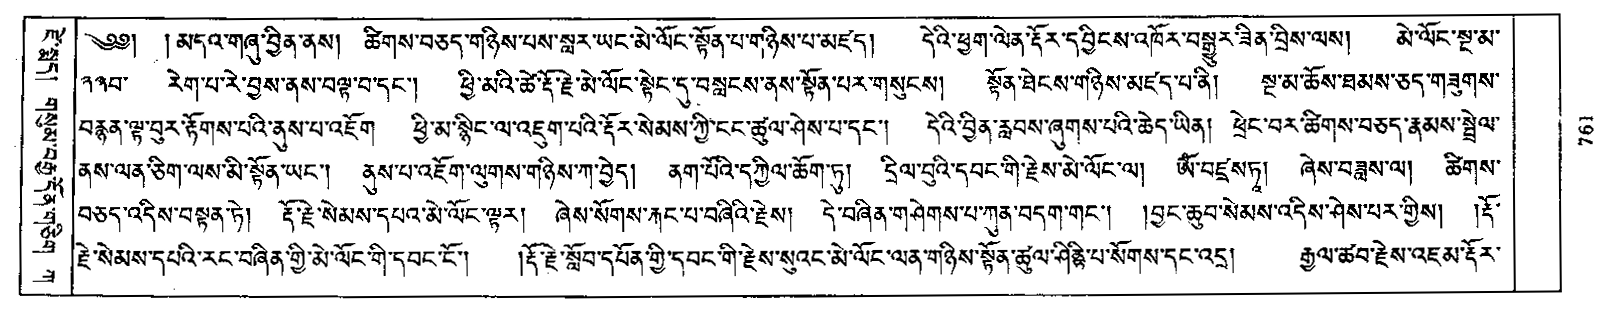༄༅། །མདའ་གཞུ་བྱིན་ནས། ཚིགས་བཅད་གཉིས་པས་སླར་ཡང་མེ་ལོང་སྟོན་པ་གཉིས་པ་མཛད། དེའི་ཕྱག་ལེན་རྡོར་དབྱིངས་འཁོར་བསྒྱུར་ཟིན་བྲིས་ལས། མེ་ལོང་སྔ་མ་
༢༣་བ་རེག་པ་རེ་བྱས་ནས་བལྟ་བ་དང་། ཕྱི་མའི་ཚེ་རྡོ་རྗེ་མེ་ལོང་སྟེང་དུ་བསླངས་ནས་སྟོན་པར་གསུངས། སྟོན་ཐེངས་གཉིས་མཛད་པ་ནི། སྔ་མ་ཆོས་ཐམས་ཅད་གཟུགས་
བརྙན་ལྟ་བུར་རྟོགས་པའི་ནུས་པ་འཇོག་ཕྱི་མ་སྙིང་ལ་འཇུག་པའི་རྡོར་སེམས་ཀྱི་ངང་ཚུལ་ཤེས་པ་དང་། དེའི་བྱིན་རླབས་ཞུགས་པའི་ཆེད་ཡིན། ཕྲེང་བར་ཚིགས་བཅད་རྣམས་སྦྲེལ་
ནས་ལན་ཅིག་ལས་མི་སྟོན་ཡང་། ནུས་པ་འཇོག་ལུགས་གཉིས་ཀ་བྱེད། ནག་པོའི་དཀྱིལ་ཆོག་ཏུ། དྲིལ་བུའི་དབང་གི་རྗེས་མེ་ལོང་ལ། ཨོཾ་བཛྲས་ཏཱ། ཞེས་བཟླས་ལ། ཚིགས་
བཅད་འདིས་བསྟན་ཏེ། རྡོ་རྗེ་སེམས་དཔའ་མེ་ལོང་ལྟར། ཞེས་སོགས་རྐང་པ་བཞིའི་རྗེས། དེ་བཞིན་གཤེགས་པ་ཀུན་བདག་གང་། །བྱང་ཆུབ་སེམས་འདིས་ཤེས་པར་གྱིས། །རྡོ་
རྗེ་སེམས་དཔའི་རང་བཞིན་གྱི་མེ་ལོང་གི་དབང་ངོ། །རྡོ་རྗེ་སློབ་དཔོན་གྱི་དབང་གི་རྗེས་སུའང་མེ་ལོང་ལན་གཉིས་སྟོན་ཚུལ་ཤིནྟི་པ་སོགས་དང་འདྲ། རྒྱལ་ཚབ་རྗེས་འཇམ་རྡོར་